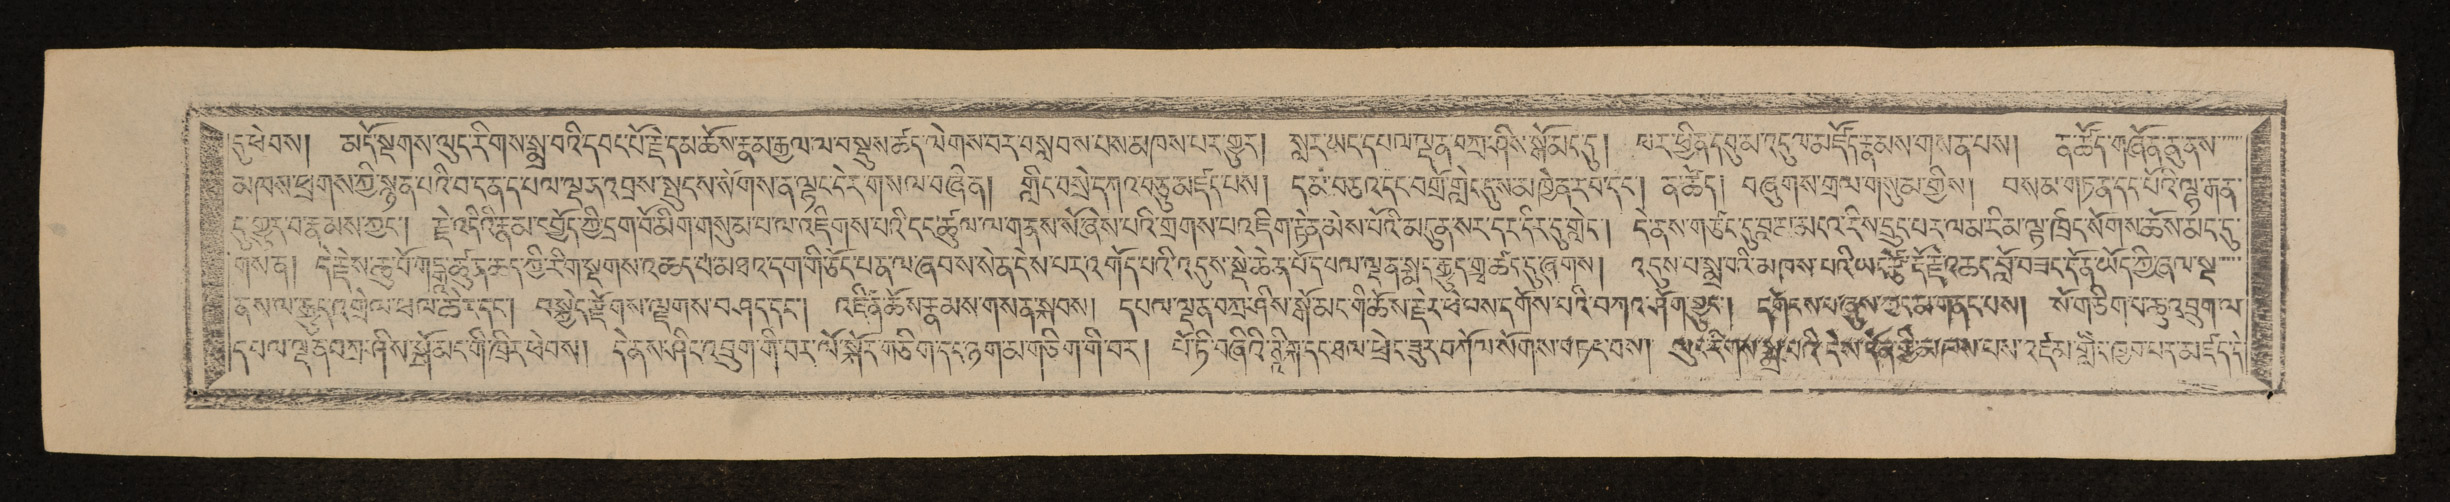དུ་ཕེབས། མདོ་སྔགས་ལུང་རིགས་སྨྲ་བའི་དབང་པོ་རྗེ་དམ་ཆོས་རྣམ་རྒྱལ་ལ་བསྡུས་ཚད་ལེགས་པར་བསླབས་པས་མཁས་པར་གྱུར། སླར་ཡང་དཔལ་ལྡན་བཀྲ་ཤིས་སྒོ་མང་དུ། ཕར་ཕྱིན་དབུ་མ་འདུལ་མཛོད་རྣམས་གསན་པས། ན་ཚོད་གཞོན་ནུ་ནས་
མཁས་གྲགས་ཀྱི་སྙན་པའི་བ་དན་དཔལ་ལྡན་འབྲས་སྤུངས་སོགས་ན་ལྷང་ངེར་གསལ་བཞིན། གླིང་བསྲེ་དཀའ་བཅུ་མཛད་པས། དམ་བཅའ་དང་བགྲོ་གླེང་དུས་མཁྱེན་རབ་དང་། ན་ཚོད། བཞུགས་གྲལ་གསུམ་གྱིས། བསམ་གཏན་དང་པོའི་ལྷ་རྒན་
དུ་གྱུར་པ་རྣམས་ཀྱང་། རྗེ་འདིའི་རྣམ་དཔྱོད་ཀྱི་དྲག་པོ་མིག་གསུམ་པ་ལ་འཇིགས་པའི་དང་ཚུལ་ལ་གནས་སོ་ཞེས་པའི་གྲགས་པ་འཇིག་རྟེན་མེས་པོའི་མདུན་སར་དར་དིར་དུ་གླེང་། དེ་ནས་གཙང་དུ་བླ་མ་མངའ་རིས་དྲུང་པར་ལམ་རིམ་ལྟ་ཁྲིད་སོགས་ཆོས་མང་དུ་
གསན། དེ་རྗེས་ཆུ་བོ་གངྒཱ་ཚུན་ཆད་ཀྱི་རིག་སྔགས་འཆང་བ་མཐའ་དག་གི་ཅོད་པན་ལ་ཞབས་སེན་ངེས་པར་འགོད་པའི་འདུས་སྡེ་ཆེན་པོ་དཔལ་ལྡན་སྨད་རྒྱུད་གྲྭ་ཚང་དུ་ཞུགས། འདུས་པ་སྨྲ་བའི་མཁས་པའི་ཡང་རྩེ་རྡོ་རྗེ་འཆང་བློ་བཟང་དོན་ཡོད་ཀྱི་ཞལ་སྔ་
ནས་ལ་རྒྱུད་འགྲེལ་ཕལ་ཆེར་དང་། བསྐྱེད་རྫོགས་ལྗགས་བཤད་དང་། འཛིན་ཆོས་རྣམས་གསན་སྐབས། དཔལ་ལྡན་བཀྲ་ཤིས་སྒོ་མང་གི་ཆོས་རྗེར་ཕེབས་དགོས་པའི་བཀའ་ཤོག་བྱུང་། དགོངས་པ་ཞུས་ཀྱང་མ་གནང་བས། སོ་གཅིག་པ་ཆུ་འབྲུག་ལ་
དཔལ་ལྡན་བཀྲ་ཤིས་སྒོ་མང་གི་ཁྲིར་ཕེབས། དེ་ནས་ཤིང་འབྲུག་གི་བར་ལོ་སྐོར་གཅིག་དང་ཉག་མ་གཅིག་གི་བར། པོ་ཏི་བཞིའི་ཊཱིཀྐ་དང་ཐལ་ཕྲེང་ཟུར་བཀོལ་སོགས་བཏང་བས། ལུང་རིགས་སྨྲ་བའི་ངེས་དོན་གྱི་མཁས་པས་འཛམ་གླིང་ཁྱབ་པར་མཛད་དེ།